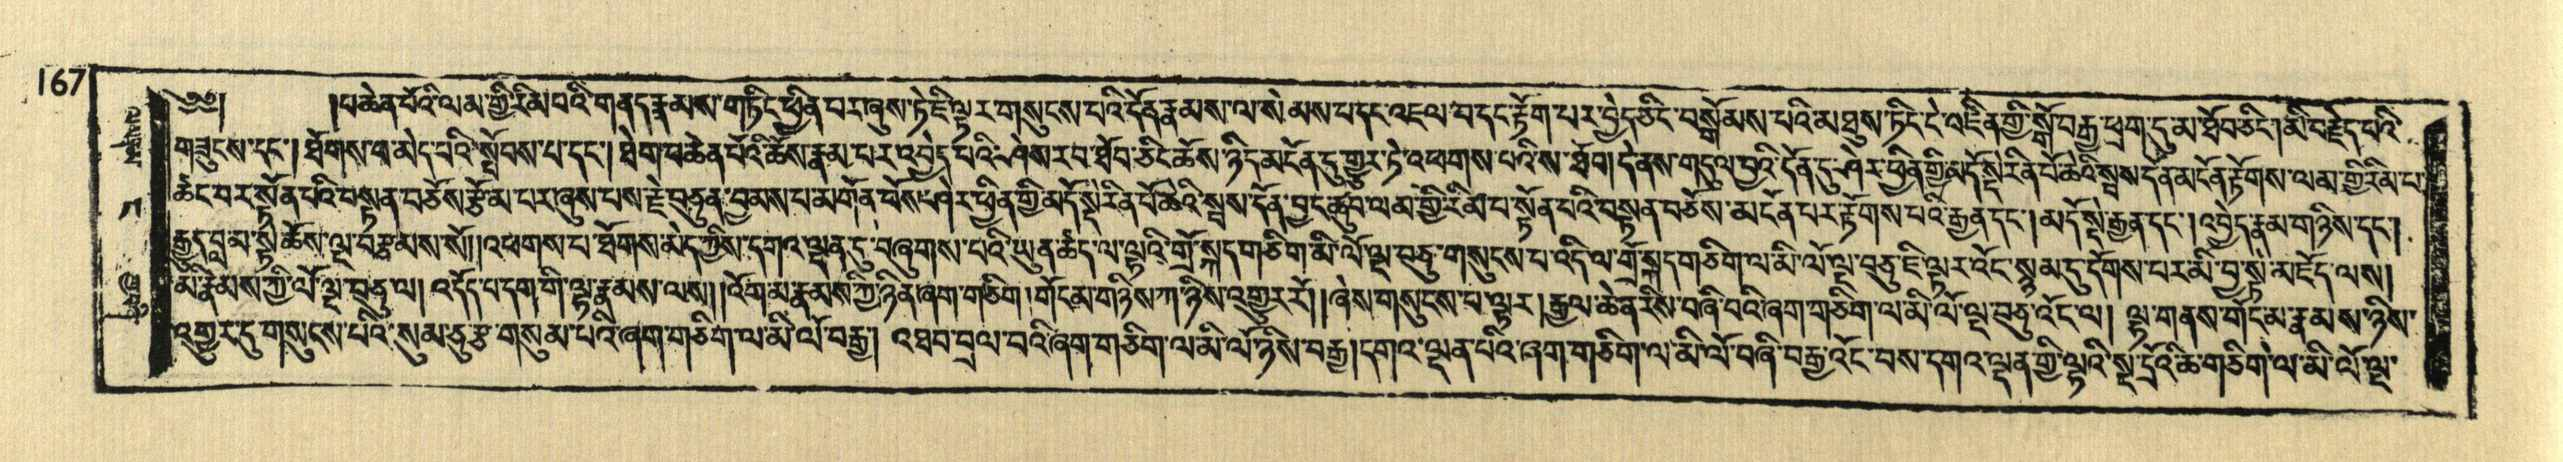༄༅། །པ་ཆེན་པོའི་ལམ་གྱི་རིམ་བའི་གནད་རྣམས་གཏིང་ཕྱིན་བར་ཞུས་ཏེ་ཇི་ལྟར་གསུངས་པའི་དོན་རྣམས་ལ་སེམས་པ་དང་འཇལ་བ་དང་རྟོག་པར་བྱེད་ཅིང་བསྒོམས་པའི་མཐུས་ཏིང་ངེ་འཛིན་གྱི་སྒོ་བརྒྱ་ཕྲག་དུ་མ་ཐོབ་ཅིང་། མི་བརྗེད་པའི་
གཟུངས་དང་། ཐོགས་བ་མེད་པའི་སྤོབས་པ་དང་། ཐེག་བ་ཆེན་པོའི་ཆོས་རྣམ་པར་འབྱེད་པའི་ཤེས་རབ་ཐོབ་ཅིང་ཆོས་ཉིད་མངོན་དུ་གྱུར་ཏེ་འཕགས་པའི་ས་ཐོབ། དེ་ནས་གདུལ་བྱའི་དོན་དུ་ཤེར་ཕྱིན་གྱི་མདོ་སྡེ་རིན་པོ་ཆེའི་སྦས་དོན་མངོན་རྟོགས་ལམ་གྱི་རིམ་པ་
ཚང་བར་སྟོན་པའི་བསྟན་བཅོས་རྩོམ་པར་ཞུས་པས་རྗེ་བཅུན་བྱམས་པ་མགོན་བོས་ཤེར་ཕྱིན་གྱི་མདོ་སྡེ་རིན་པོ་ཆེའི་སྦས་དོན་བྱང་ཆུབ་ལམ་གྱི་རིམ་པ་སྟོན་པའི་བསྟན་བཅོས་མངོན་པར་རྟོགས་པའི་རྒྱན་དང་། མདོ་སྡེ་རྒྱན་དང་། འབྱེད་རྣམ་གཉིས་དང་།
རྒྱུད་བླ་མ་སྟེ་ཆོས་ལྔ་བརྩམས་སོ། །འཕགས་པ་ཐོགས་མེད་ཀྱིས་དགའ་ལྡན་དུ་བཞུགས་པའི་ཡུན་ཚད་ལ་ལྷའི་གྲོ་སྐད་གཅིག་མི་ལོ་ལྔ་བཅུ་གསུངས་པ་འདི་ལ་གྲོ་སྐད་གཅིག་ལ་མི་ལོ་ལྔ་བཅུ་ཇི་ལྟར་འོང་སྙམ་དུ་དོགས་པར་མི་བྱ་སྟེ་མཇོད་ལས།
མི་རྣམས་ཀྱི་ལོ་ལྔ་བཅུ་ལ། འདོད་པ་དག་གི་ལྷ་རྣམས་ལས། །འོག་མ་རྣམས་ཀྱི་ཉིན་ཞག་གཅིག །གོང་མ་གཉིས་ཀ་ཉིས་འགྱུར་རོ། །ཞེས་གསུངས་པ་ལྟར། རྒྱལ་ཆེན་རིས་བཞི་བའི་ཞག་གཅིག་ལ་མི་ལོ་ལྔ་བཅུ་འོང་ལ། ལྷ་གནས་གོང་མ་རྣམས་ཉིས་
འགྱུར་དུ་གསུངས་པའི་སུམ་ཅུ་རྩ་གསུམ་པའི་ཞག་གཅིག་ལ་མི་ལོ་བརྒྱ། འཐབ་བྲལ་བའི་ཞག་གཅིག་ལ་མི་ལོ་ཉིས་བརྒྱ། དགའ་ལྡན་པའི་ཞག་གཅིག་ལ་མི་ལོ་བཞི་བརྒྱ་འོང་བས་དགའ་ལྡན་གྱི་ལྷའི་སྔ་དྲོའི་ཆ་གཅིག་ལ་མི་ལོ་ལྔ་